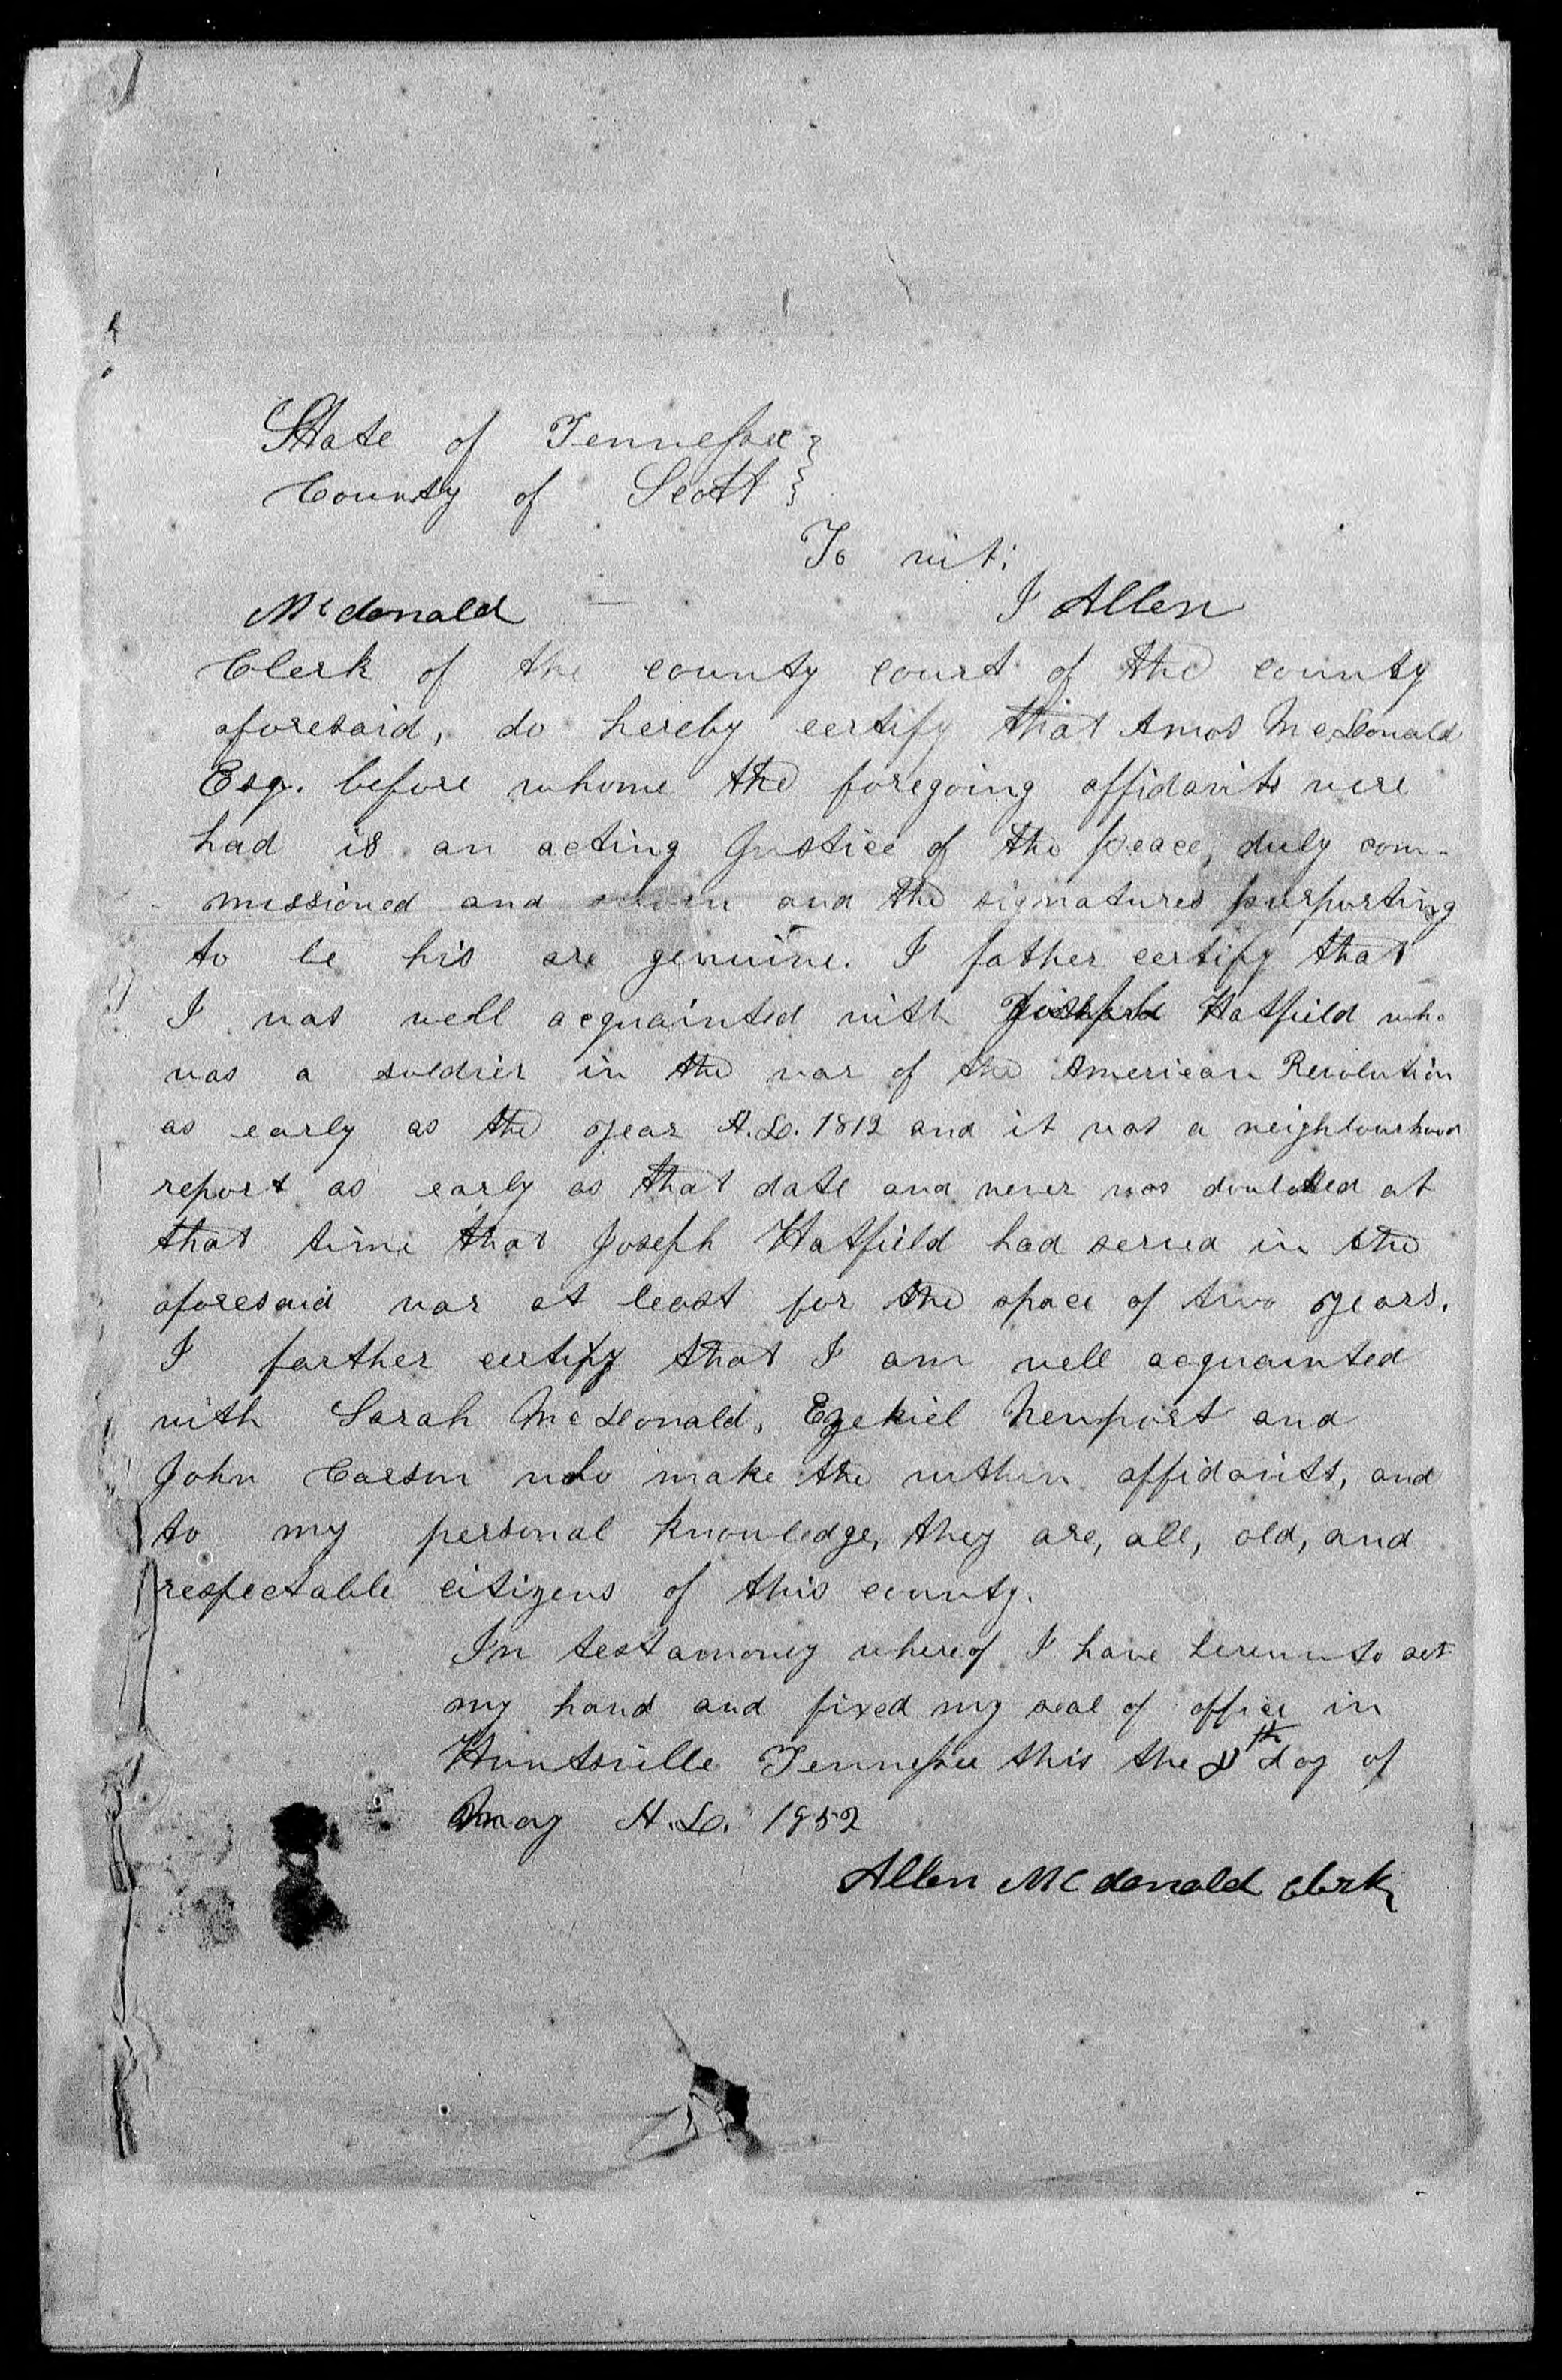State of Tennessee}
County of Scott}
To wit:
McDonald - I Allen
Clerk of the county court of the county
aforesaid, do hereby certify that Amos McDonald Esq. before whome the foregoing affidavit were had is an acting Justice of the Peace, duly commissioned and sworn and the signatures purporting to be his are genuine. I farther certify that I was well acquainted with Joseph Hatfield who was a soldier in the war of the American Revolution as early as that date and never was doubted at that time that Joseph Hatfield had served in the aforesaid war at least for the space of two years.
I farther certify that I am well acquainted
with Sarah McDonald, Ezekiel Newport and
Joph Carson who make the within affidavits, and
to my personal knowledge, they are, all, old, and respectable citizens of this county.
In testimony whereof I have hereunto set
my hand and fixed my seal of office in
Huntsville Tennessee this the 4th day of
May A.D. 1852
Allen McDonald Clerk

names: Allen Mc Donald, Sarah Mc Donald, Ezekiel Newport, Amos Mc Donald, John Carson, Joseph Hatfield, Allen Mc Donald, Joseph Hatfield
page: 45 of 74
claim: widow's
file: W. 5, Joseph Hatfield, Va.